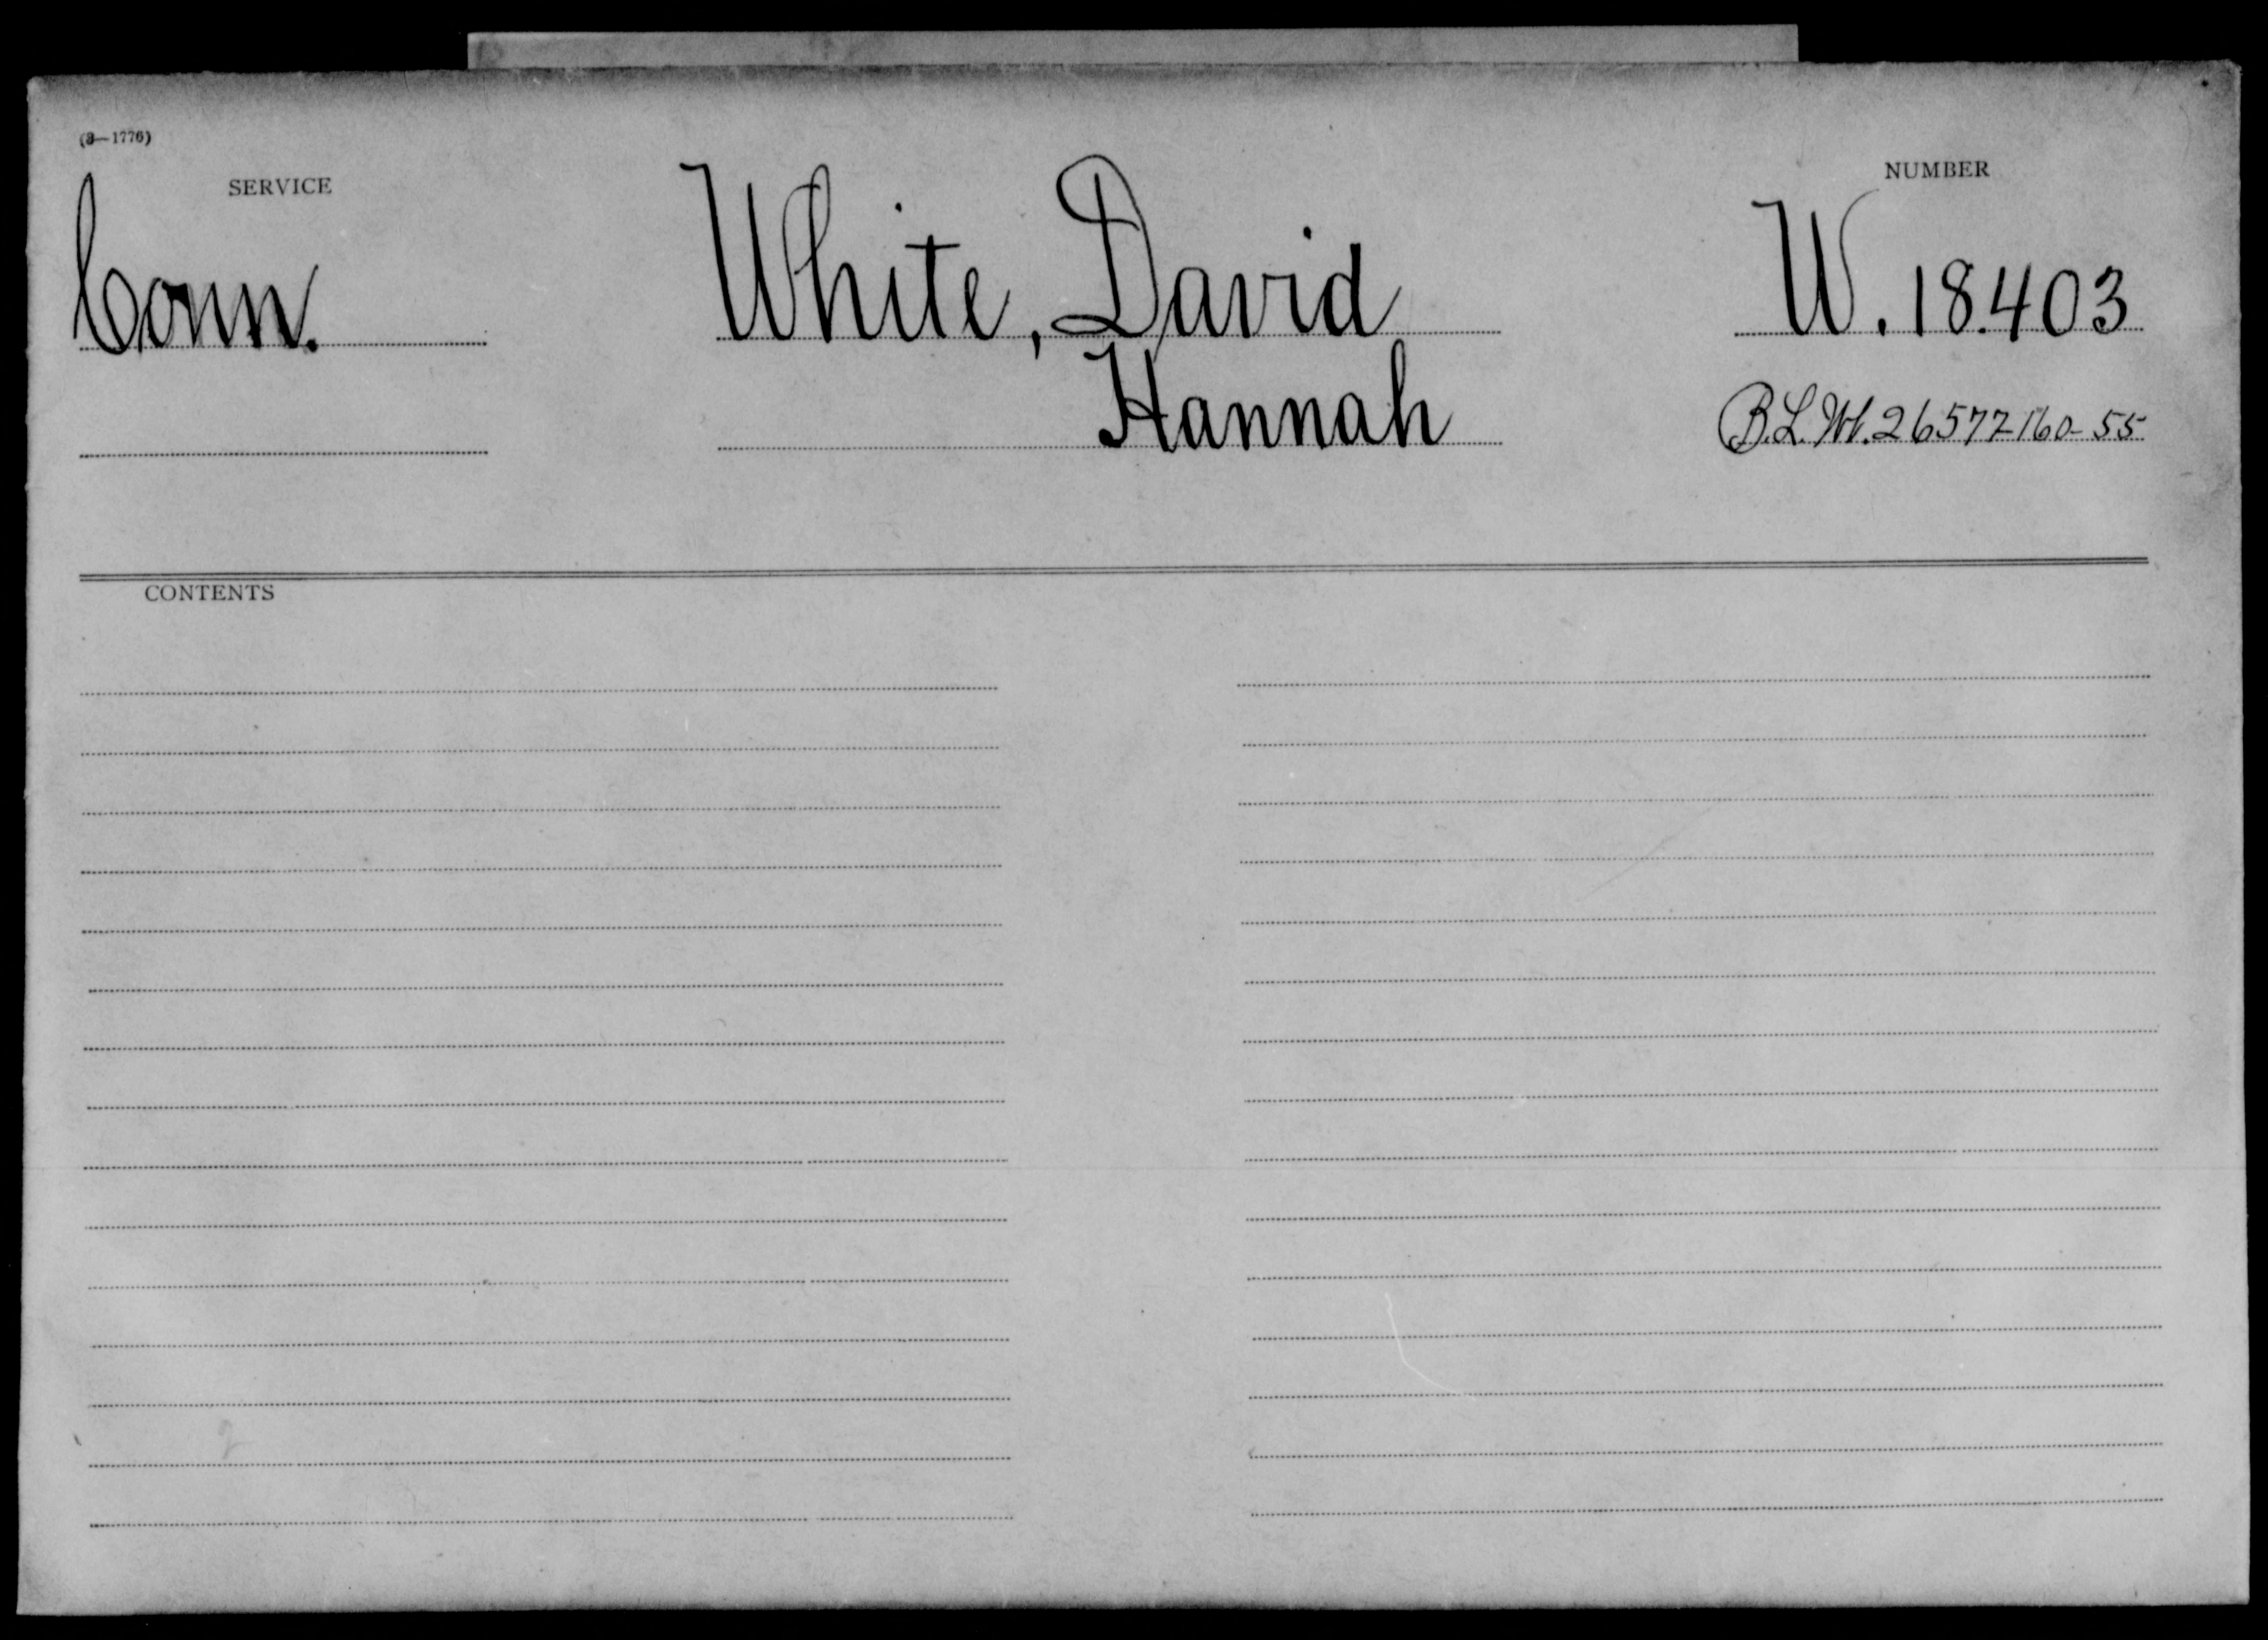(8-1776)

SERVICE
Conn.

White, David
Hannah

NUMBER
W.18403
B.L.Wt.26577160-55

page: 1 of 63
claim: widow's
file: W. 18403, David White, Conn.